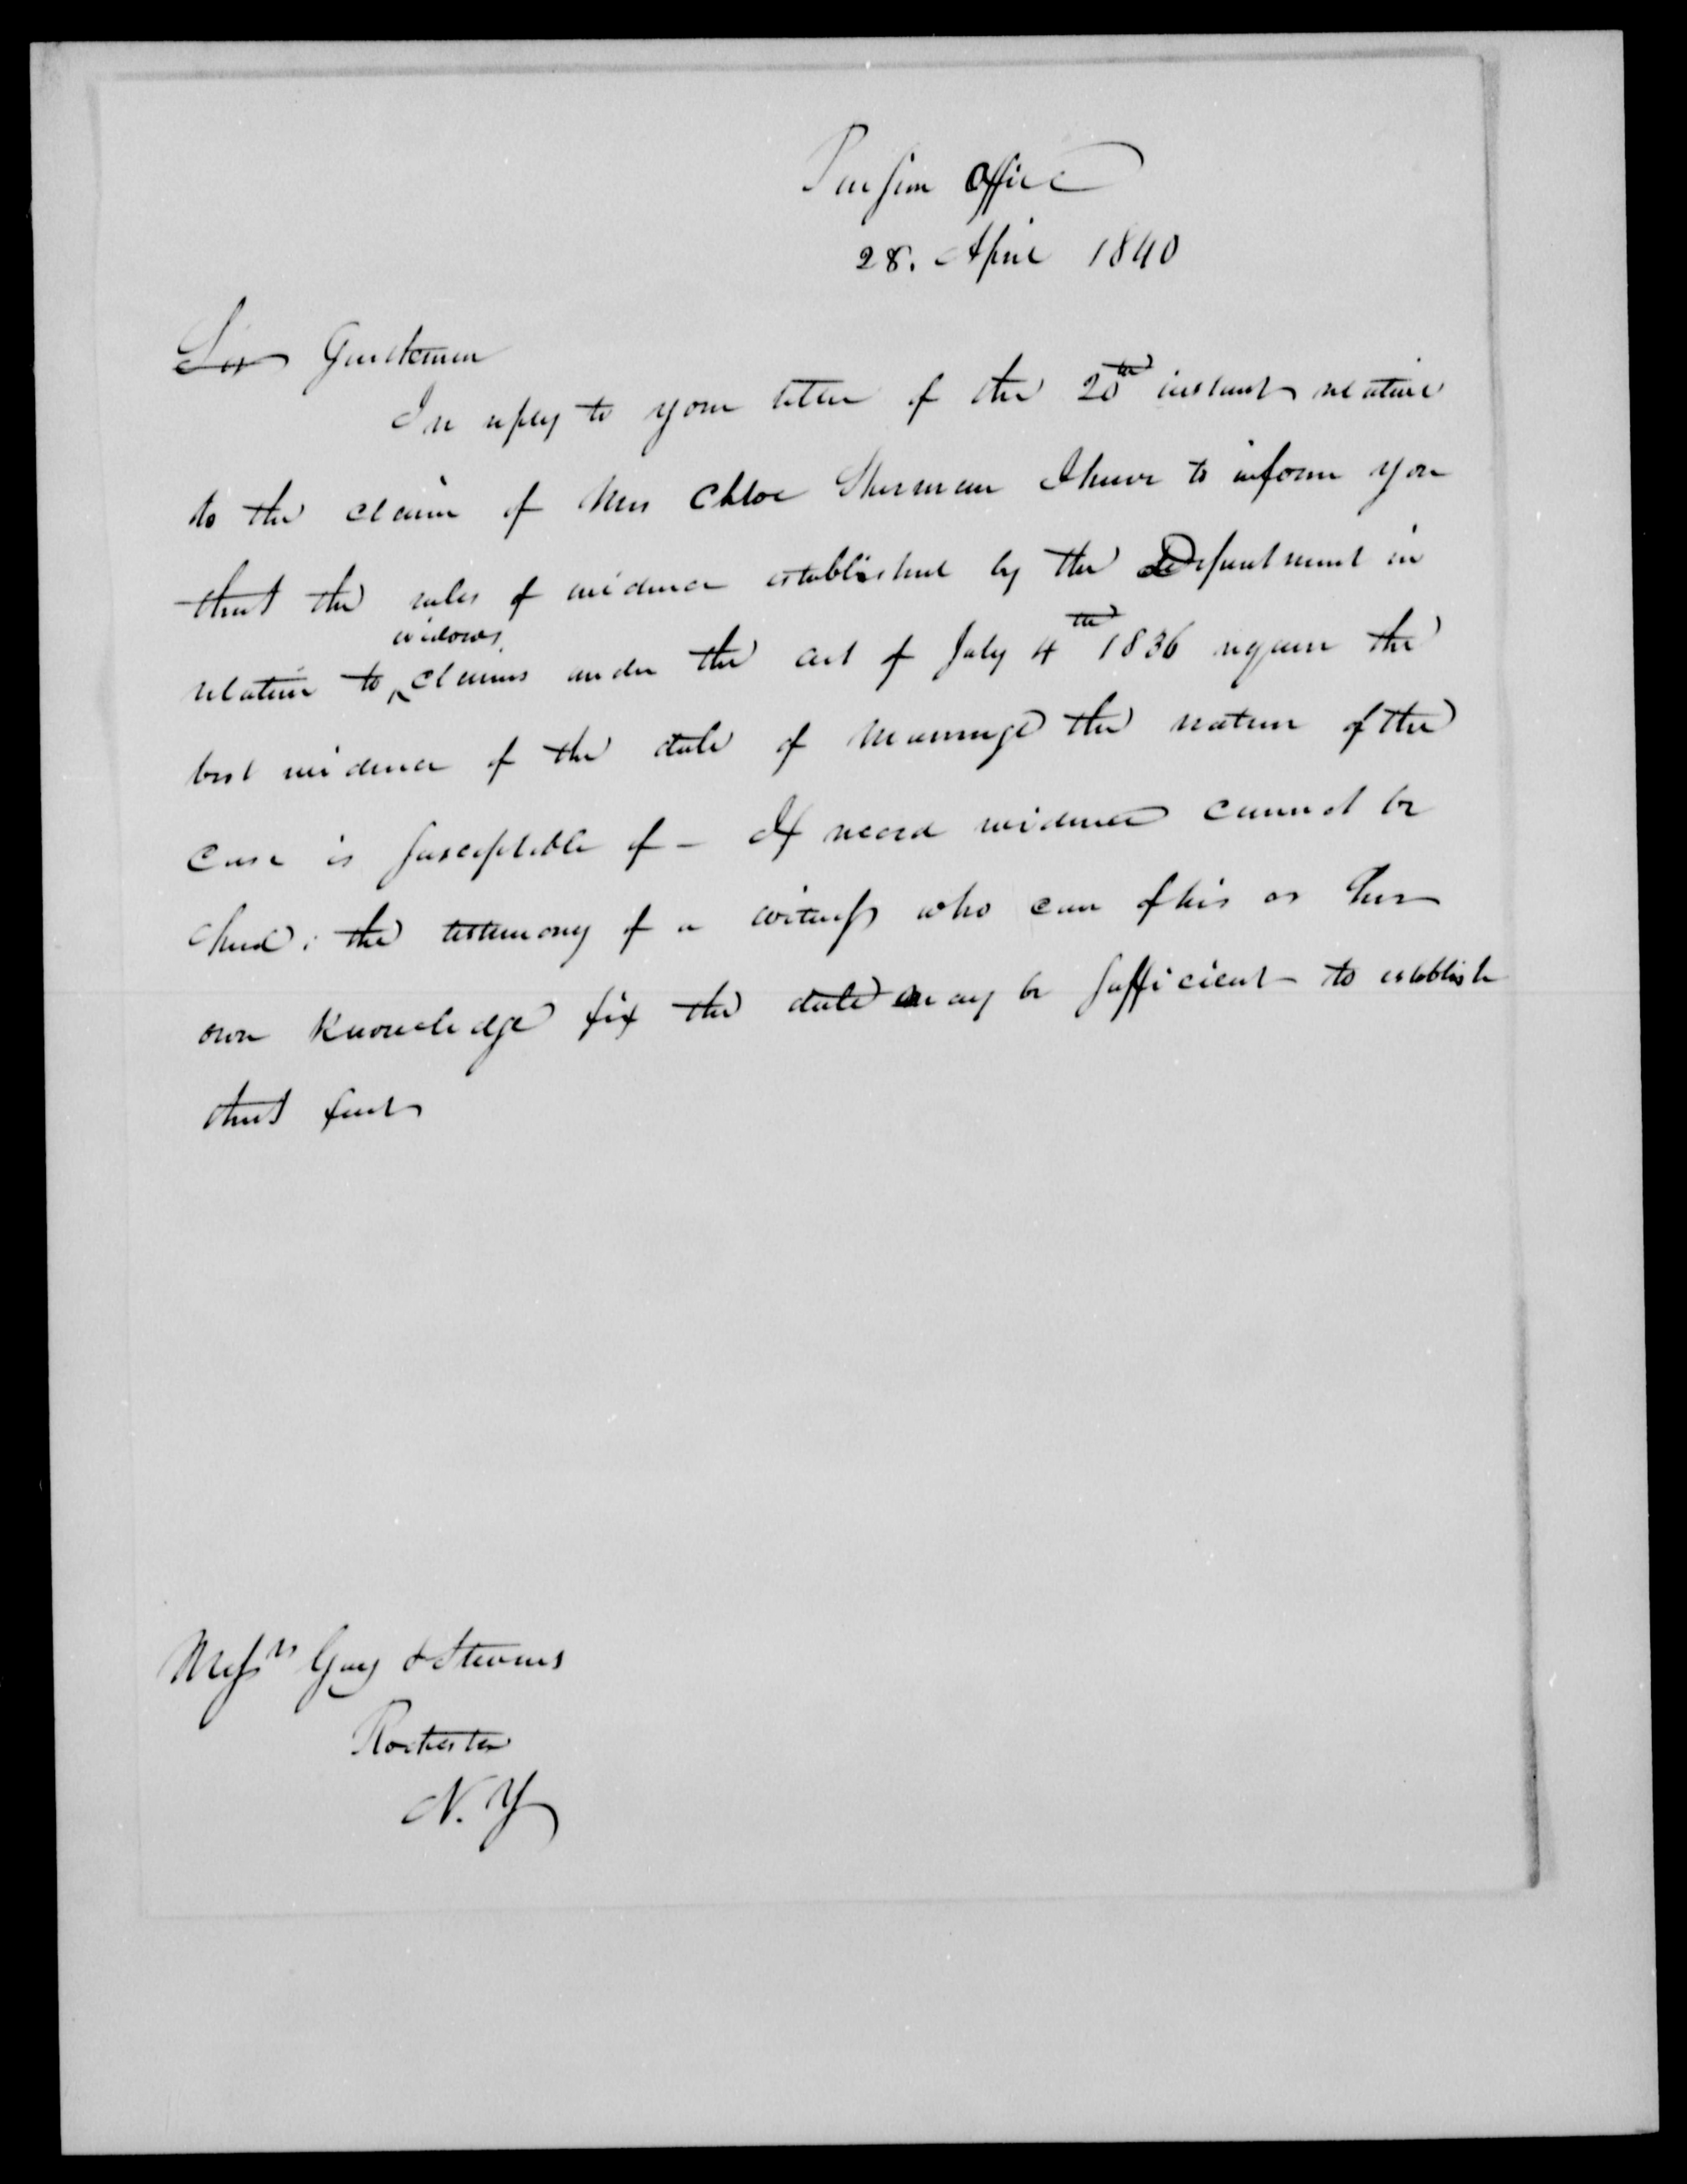Pension Office
28 April 1840
In reply to your letter of the 20th instant native
to the claim of Mrs Chloe Sherman I have to inform you
that the rules of evidence established by the Department in
widows
relative to claims under the act of July 4th 1836 require the
but residence of the date of manage the nature of the
is susceptible of record evidence cannot be
had the testimony of a Witness who can of his or her
own knowledge six the date may be sufficient to publish
that fact
Messrs Gay & Stens
Rostator
N.Y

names: Chloe Sherman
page: 29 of 52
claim: rejected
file: R. 9493, for George Sherman, Vermont